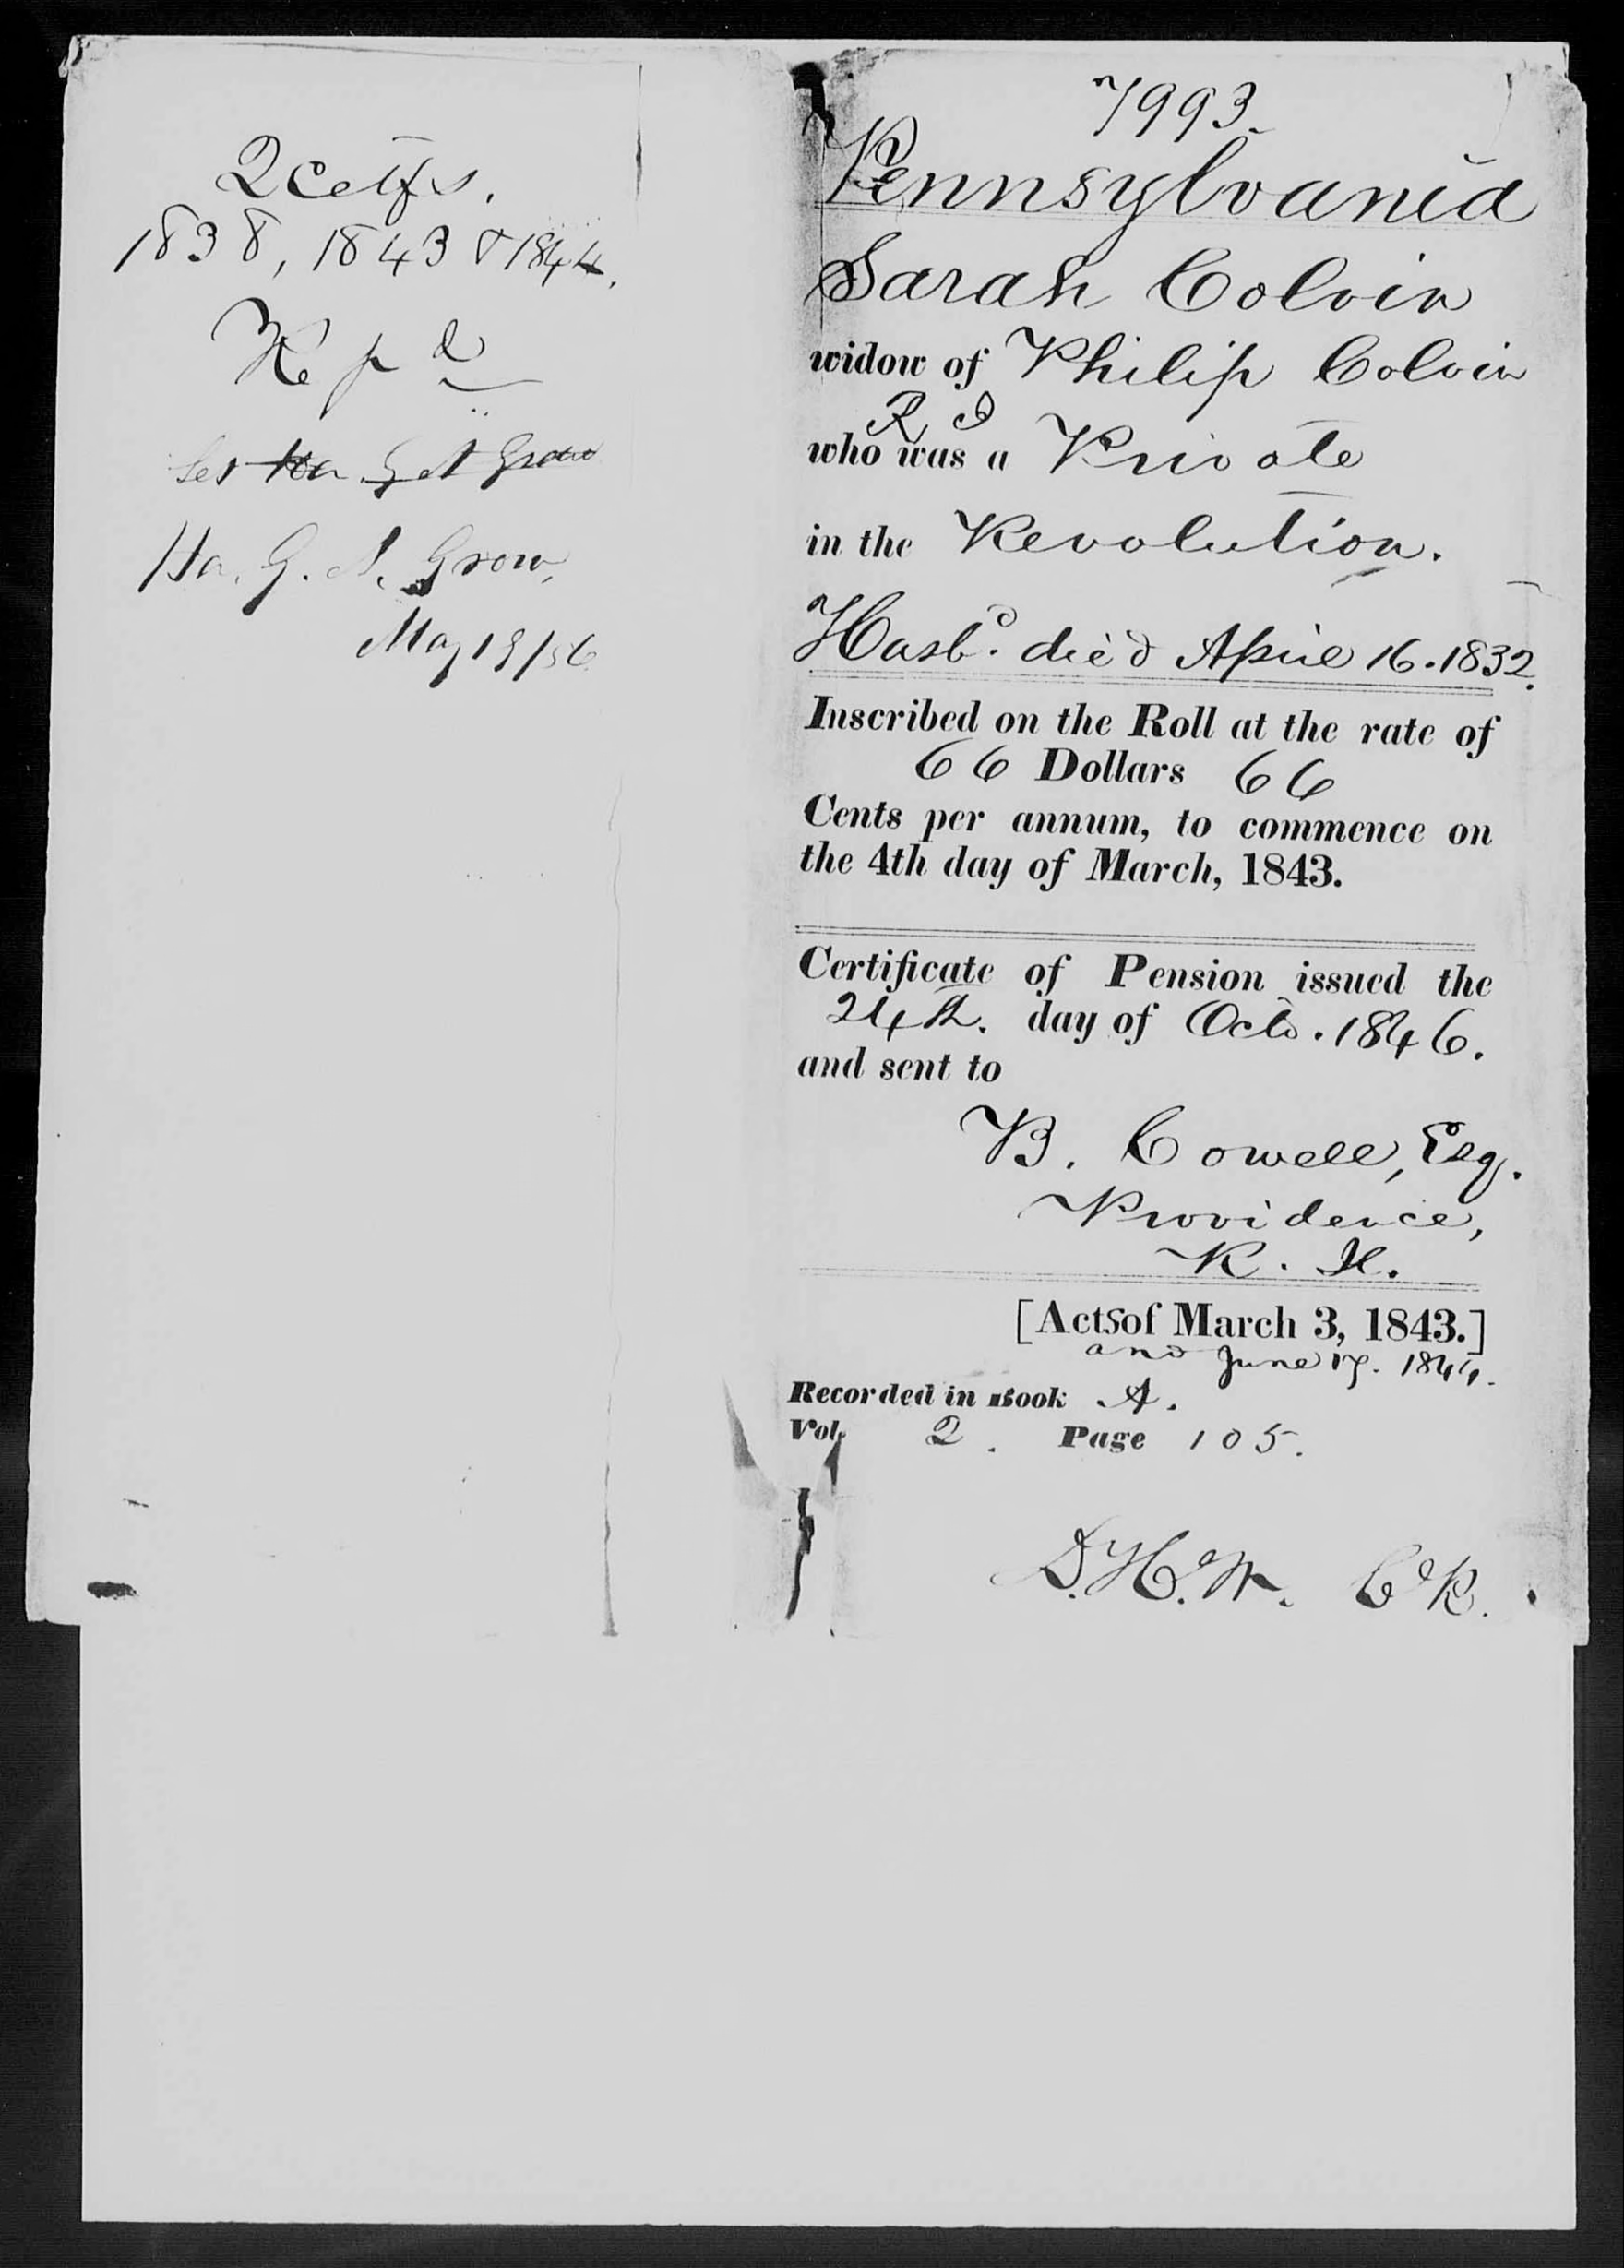7993
Pennsylvania
Sarah Colvin widow of Philip Colvin R.I. who was a private in the Revolution. 
[illegible] died April 16, 1832

Inscribed on the Roll at the rate of 66 Dollars 66 Cents per annum, to commence on the 4th day of March, 1843.

Certificate of Pension issued the 24th day of Oct. 1846 and sent to B. Cowell, Esq., Providence R.I.

[Acts of March 3, 1843 and June 17, 1844]
Recorded in Book A Vol. 2 Page 105
[illegible] Clk.

2 certs
1838, 1843 & 1844
[illegible]
[illegible]
Hon. G.S. grow
May 18/56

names: Sarah Colvin, G S Grow, B Cowell, Philip Colvin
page: 3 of 41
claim: widow's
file: W. 3513, Philip Colvin, R.I.